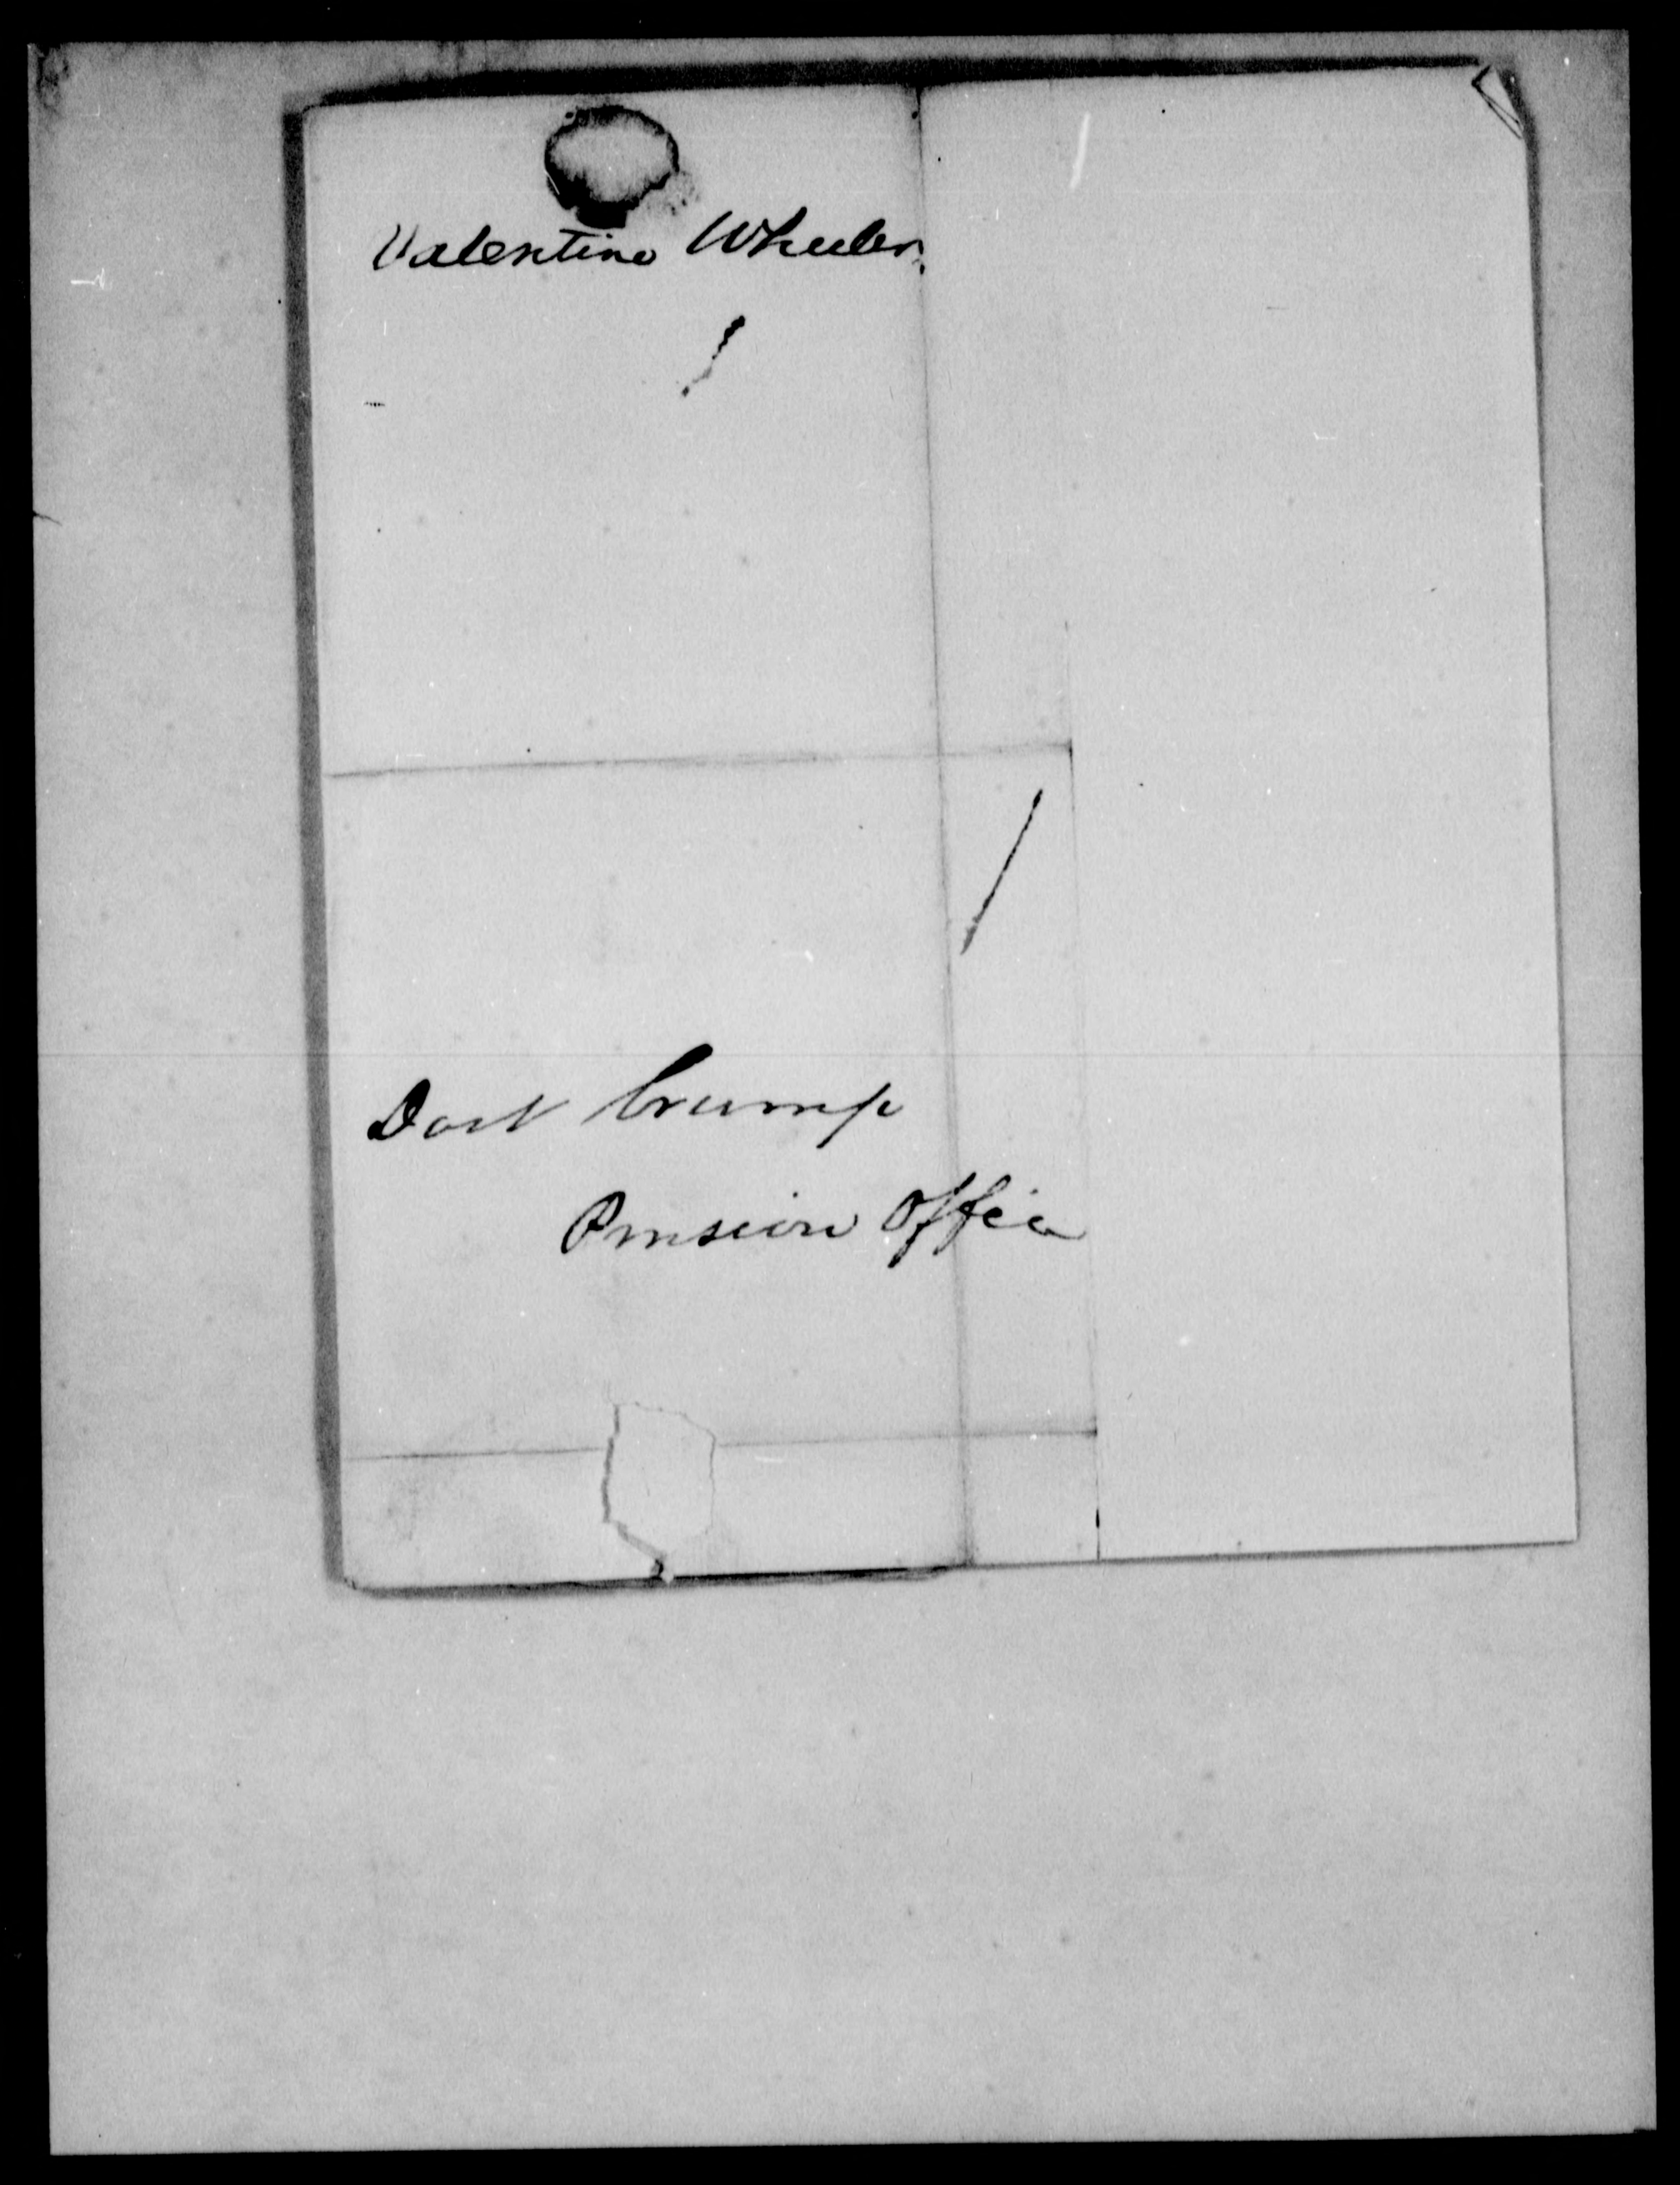Valentine Wheeler

Doct Crump
Pension Office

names: Valentine Wheeler, Crump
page: 69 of 98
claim: widow's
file: W. 1682, Valentine Wheeler, Mass.